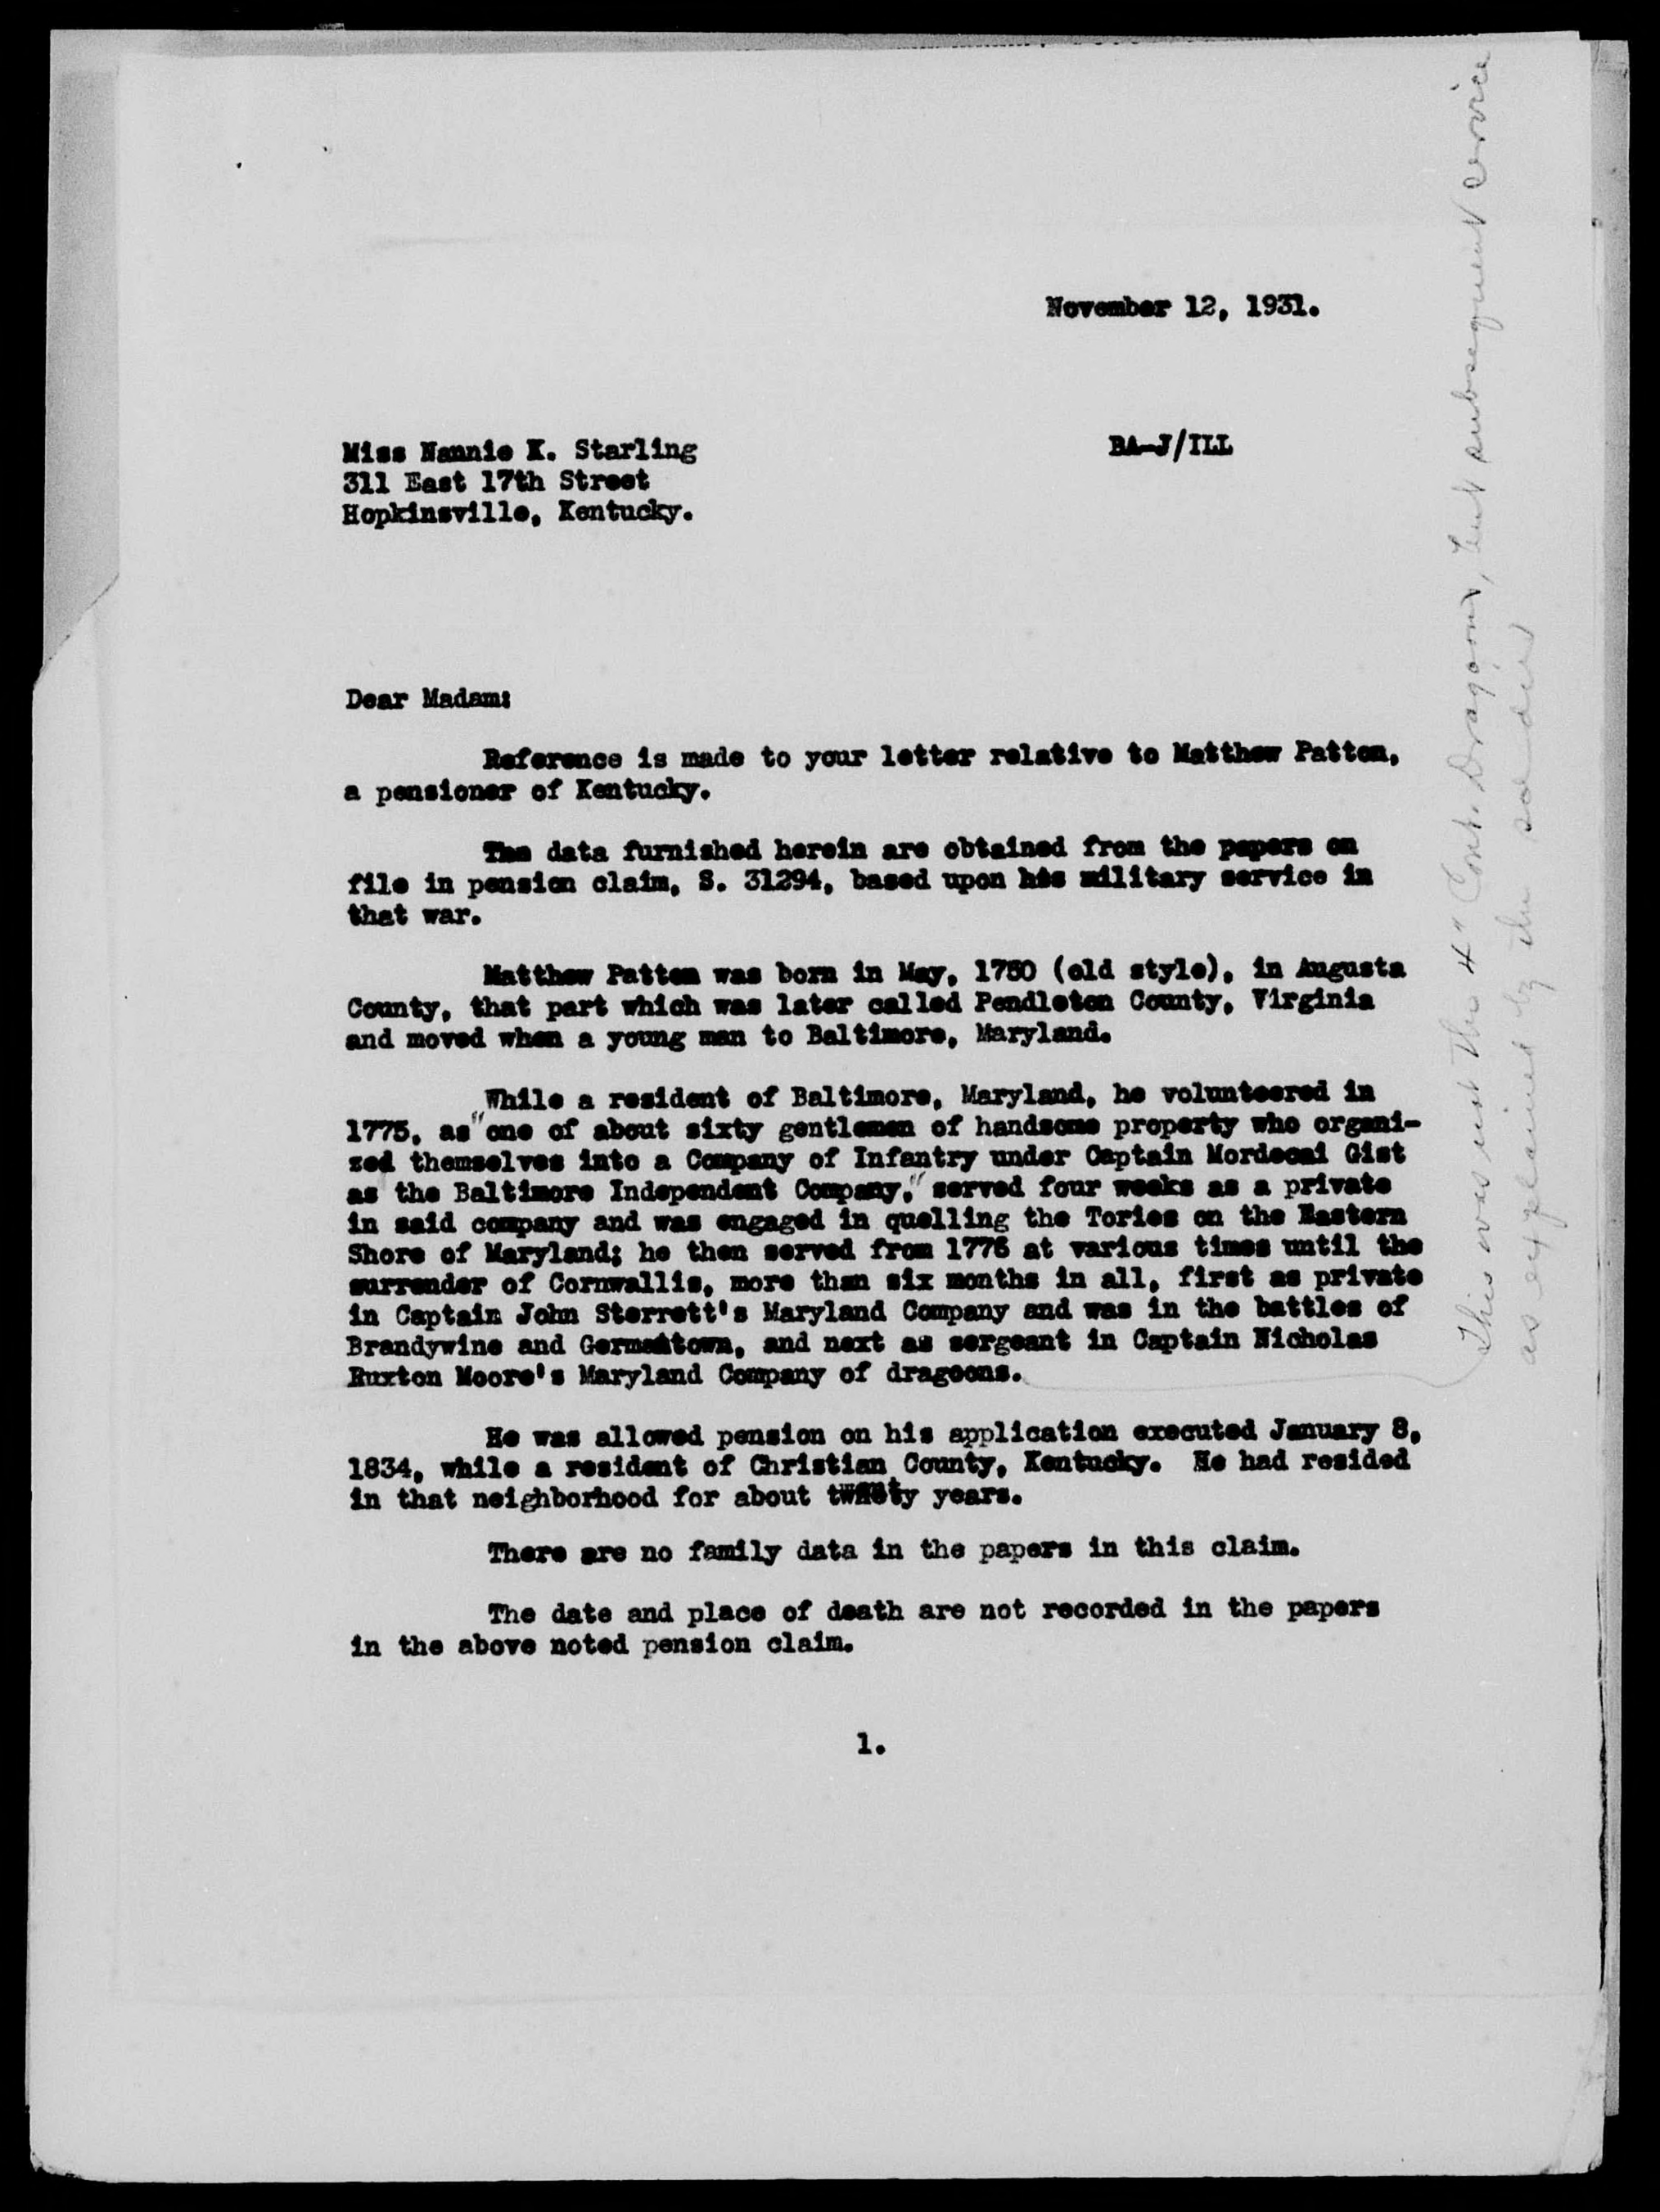November 12, 1932.

Miss Mamie L. Starling
511 East 17th Street
Hopkinsville, Kentucky.

Dear Madam:

Reference is made to your letter relative to Matthew Patton, a pensioner of Kentucky.

The data furnished herein are obtained from the papers on file in pension claim, S. 3194, based upon military service in that war.

Matthew Patton was born in May 1750 (old style), in Augusta County, that part which was later called Pendleton County, Virginia and moved when a young man to Baltimore, Maryland.

While a resident of Baltimore, Maryland, he volunteered in 1775, as "one of about sixty gentlemen of handsome property who organized themselves into a Company of Infantry under Captain Mordecai Gist at the Baltimore Independent Company," served four weeks as a private in said company and was engaged in quelling the Tories on the Eastern Shore of Maryland, he then served from 1776 at various times up until the surrender of Cornwallis, more than six months in all, first as private in Captain John Sterrett's Maryland company and was in the battles of Brandywine and Germantown, and later as sergeant in Captain Nicholas Ruxton Moore's Maryland company of dragoons.

He was allowed pension on his application executed January 8, 1834, while a resident of Christian County, Kentucky. He had resided in that neighborhood for about twenty years.

There are no family data in the papers in this claim.

The date and place of death are not recorded in the papers in the above noted pension claim.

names: Nannie E Starling; Matthew Patton; Mordecai Gist; [BLANK] Cornwallis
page: 42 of 45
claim: survivor's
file: S. 31294, for Matthew Patton, Maryland